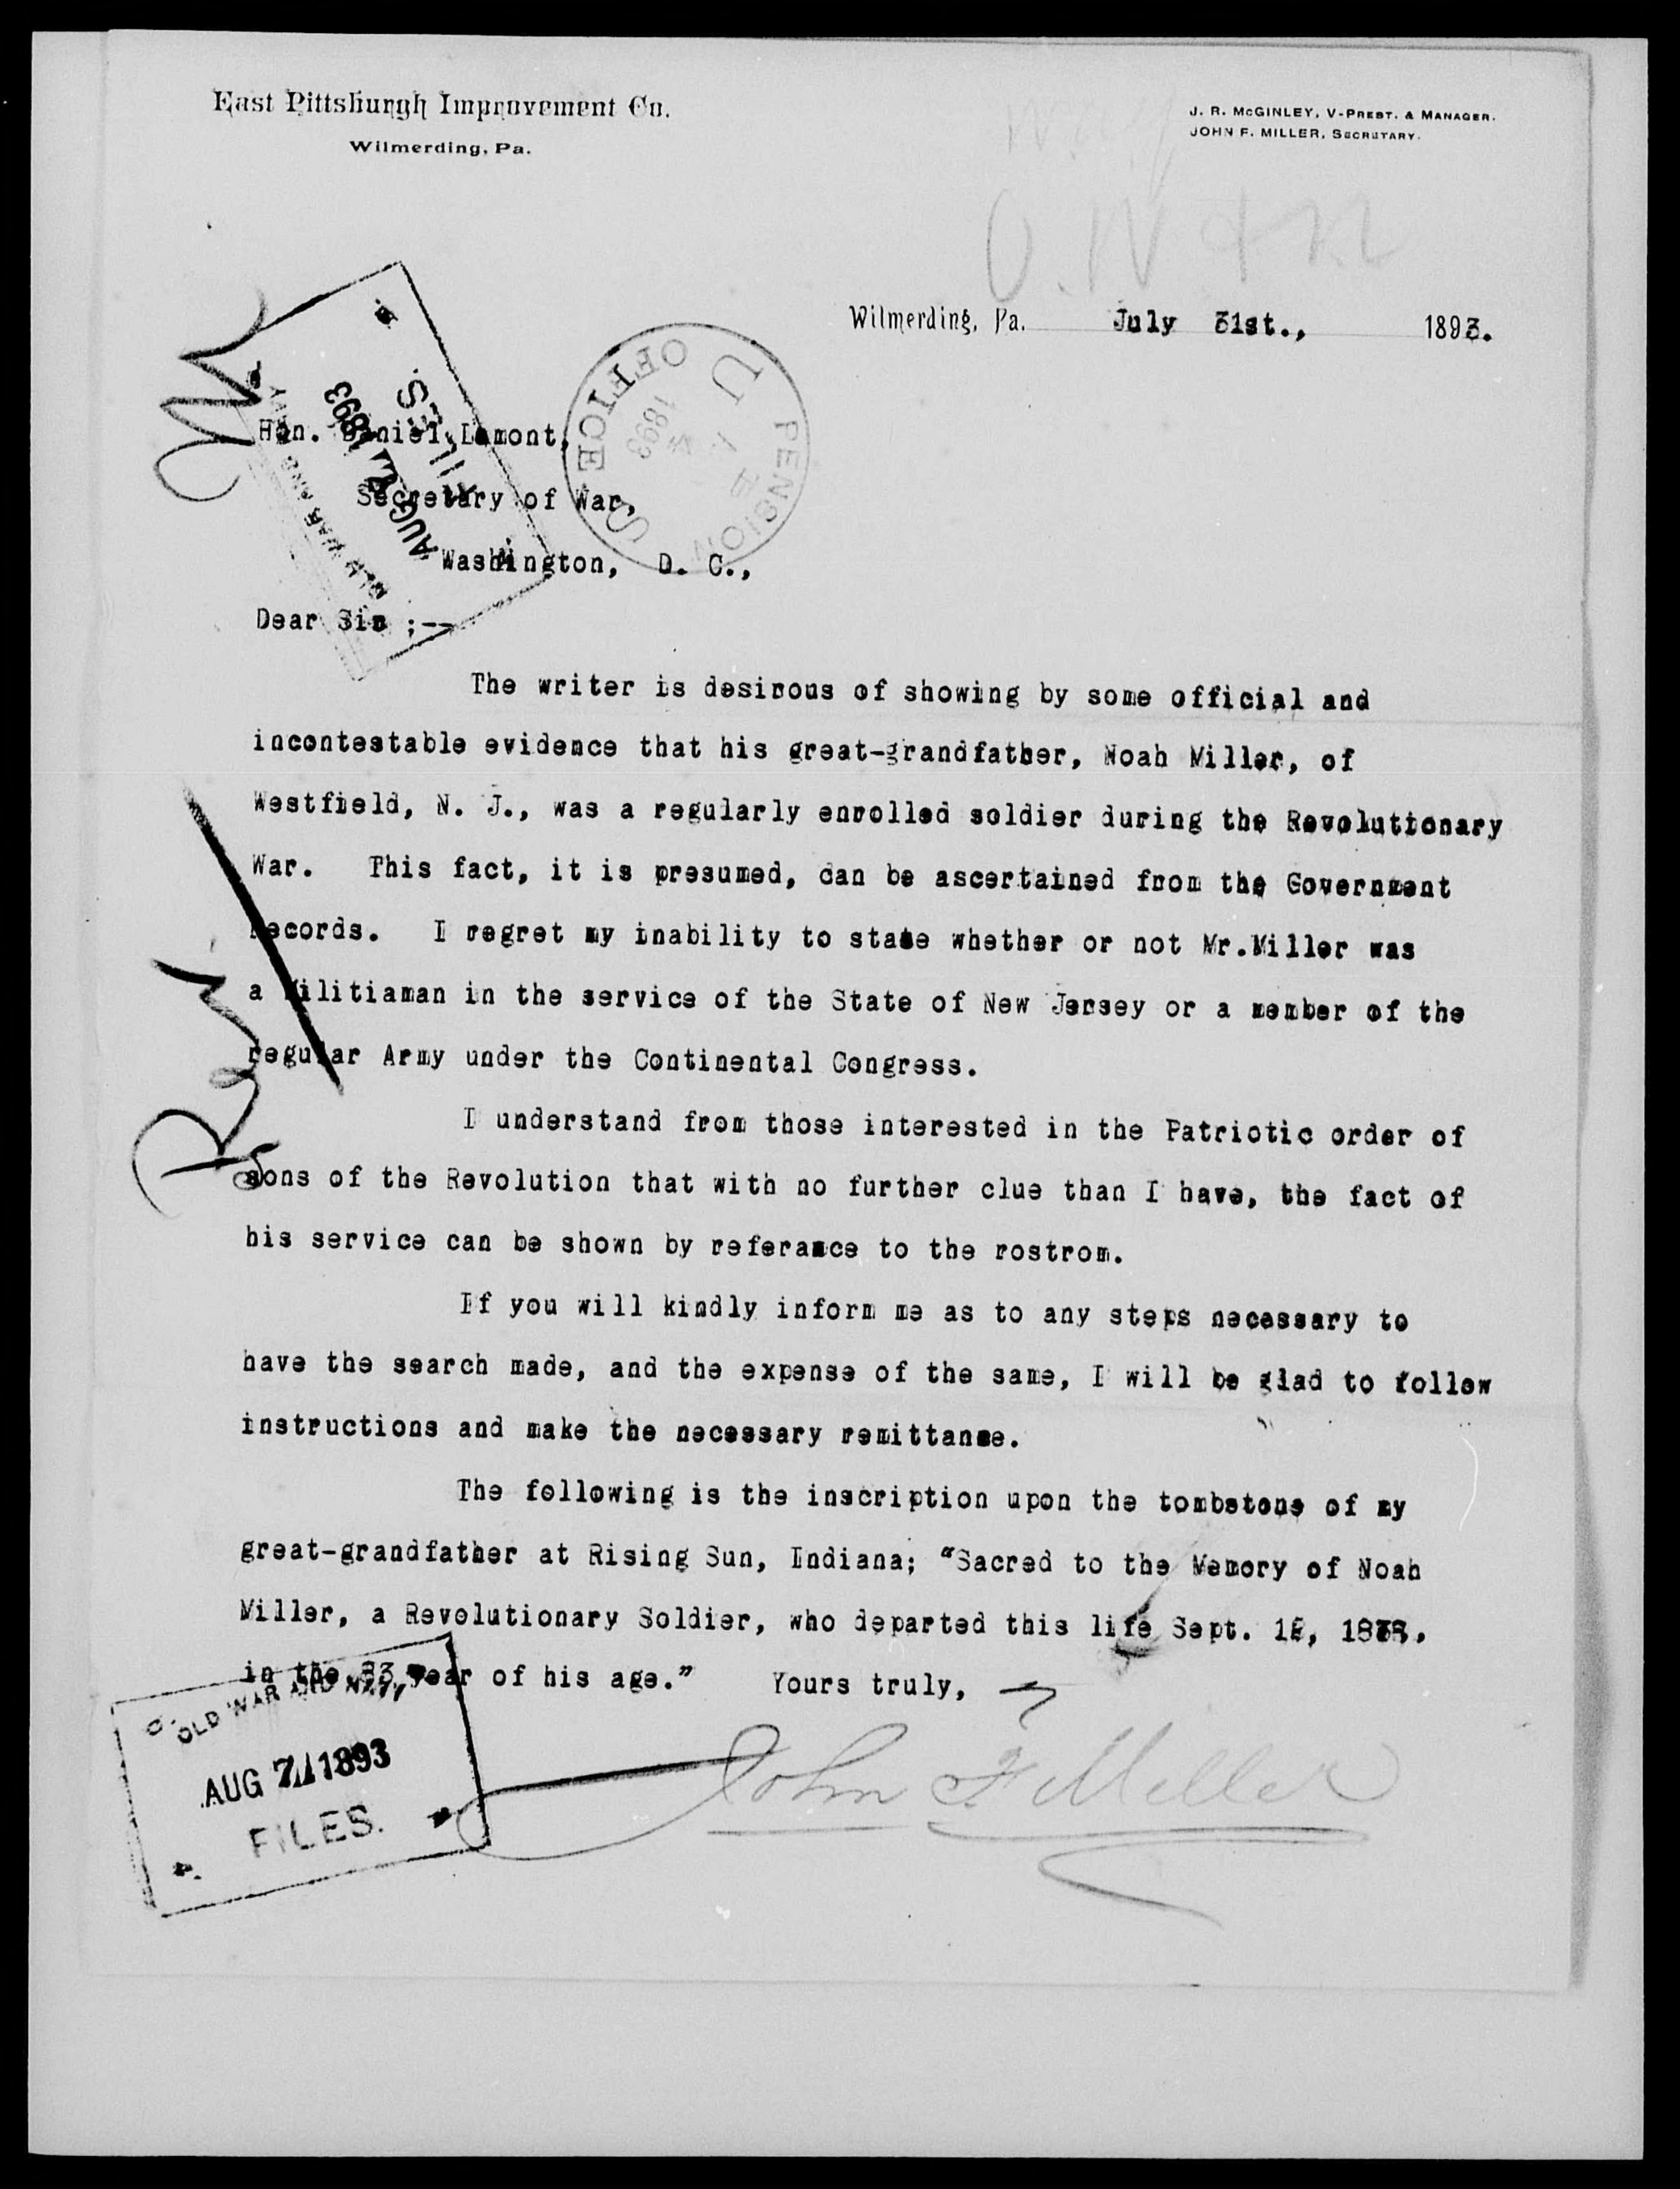EAST PITTSBURGH IMPROVEMENT CO.
Wilmerding, Pa

J.R. McGinley, V- Prest. & Manager
John F. Miller, Secretary

Wilmerding, Pa  July 31st, 1893

Hon. Daniel Lamont,
Secretary of War,
Washington, D.C. 

Dear Sr:  

The writer is desirous of showing some official and incontestable evidence that his great-grandfather, Noah Miller, of Westfield, N.J., was a regularly enrolled soldier during the Revolutionary War.  This fact, it is presumed, can be ascertained from the Government Records.  I regret my inability to state whether or not Mr. Miller was a Militiaman in the service of the State of New Jersey or a member of the regular Army under the Continental Congress.

I understand from those interested in the Patriotic order of sons of the Revolution that with no further clue than I have, the fact of his service can be shown by reference to the rostrom.

If you will kindly inform me as to any steps necessary to have the search made, and the expense of the same, I will be glad to follow instructions and make the necessary remittance.

The following is the inscription upon the tombstone of my great-grandfather at Rising Sun, Indiana;  "Sacred to the Memory of Noah Miller, a Revolutionary Soldier, who departed this life Sept 12, 1838 in the 83rd year of his age."  
Yours Truly,
John F. Miller

[file stamped OLD WAR AND NAVY AUG 7 1893 FILES]

[FILE STAMPED US PENSION OFFICE Aug 4, 1893]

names: John F Miller; Noah Miller; Daniel Lamont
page: 19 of 20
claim: survivor's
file: S. 36129, for Noah Miller, New Jersey